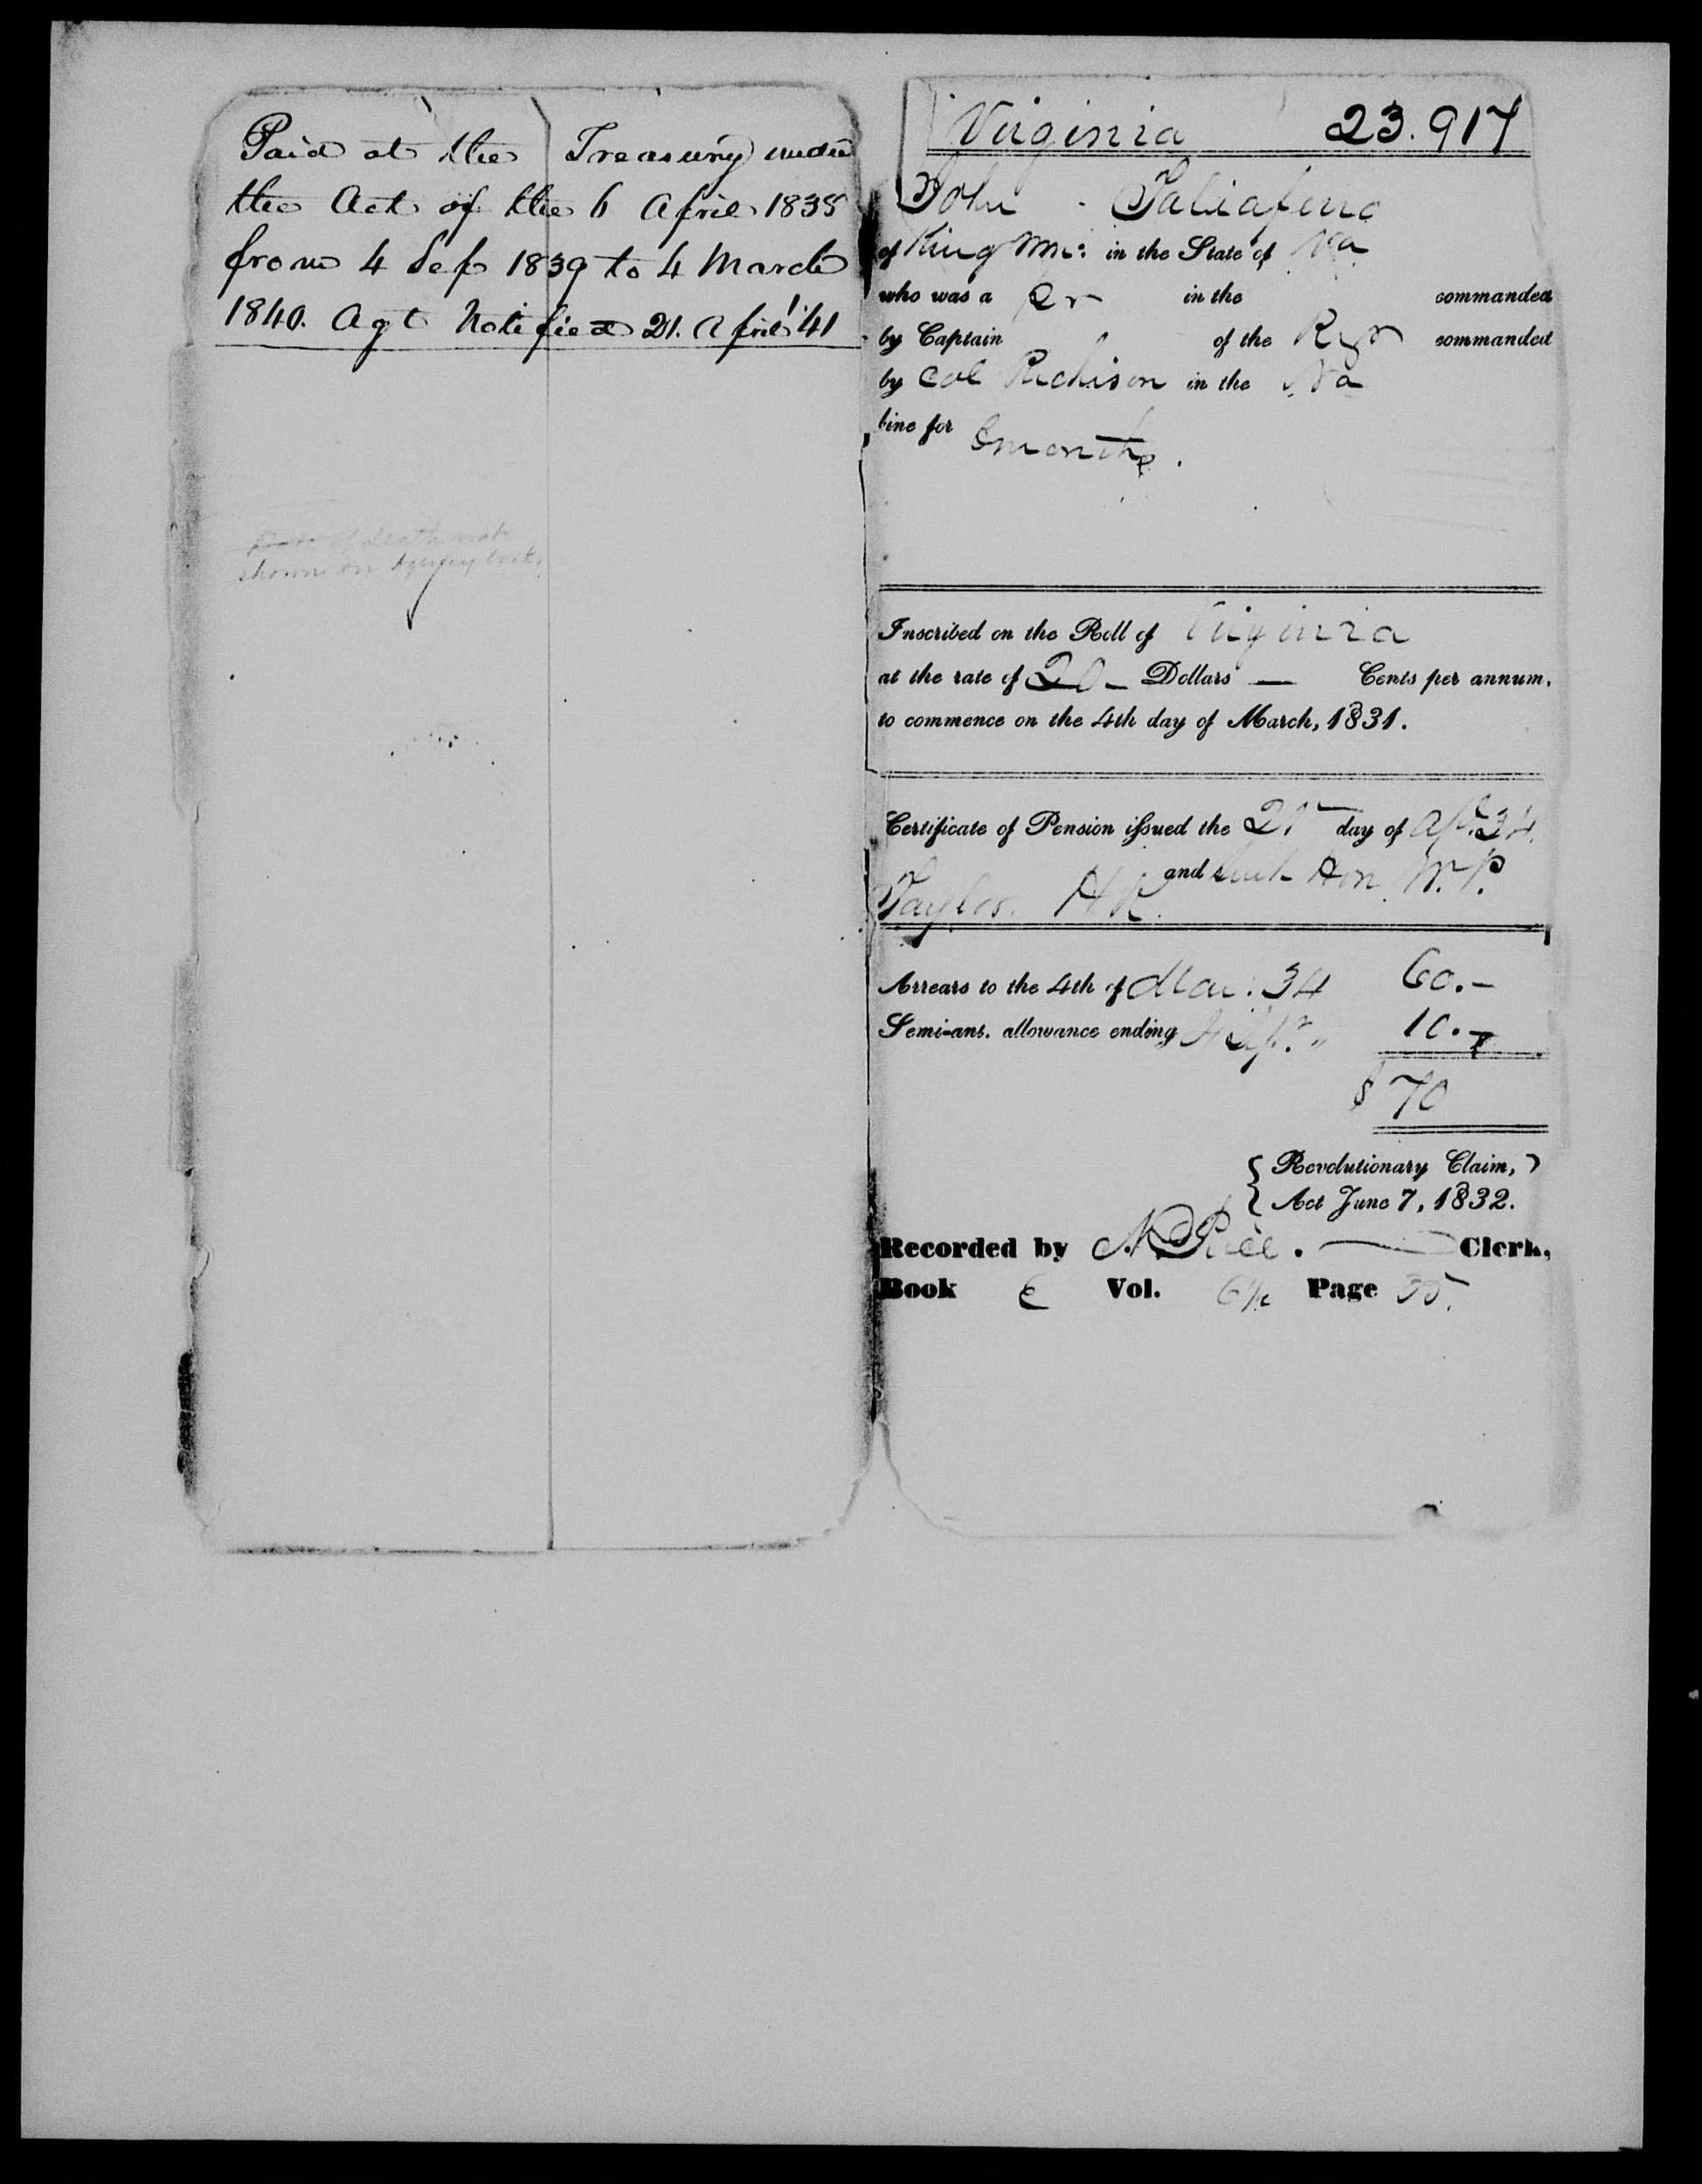[left side]
Paid at the Treasury under the Act of the 6 April 1838 from 4 Sep 1839 to 4 March 1840. Act Notified 21 April '41.

[right side]
Virginia 23.917
John Taliaferro
of King Wm in the State of Va
who was a [illegible] in the      commanded 
by Captain      of the Rgm commanded 
by Col Richison in the Va 
line for 8 months

Inscribed on the Roll of Virginia
at the rate of 20 Dollars ___ Cents per annum, 
to commence on the 4th day of March, 1831.

Certificate of Pension issued the 21 day of Apr 1834
Taylor H.R.
Arrears to the 4th of Mar 34        60.--
Semi-anl allowance ending Apr 34   10.7--
[Total of above amounts] $70

Recorded by N Rice Clerk
Revolutionary Claim, Act June 7, 1832
Book [reverse "3"?] Vol 6[?] Page 35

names: [BLANK] Richison; John Taliaferro; N Rice; W P Taylor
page: 2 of 34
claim: survivor's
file: S. 19483, for John Taliaferro, Virginia